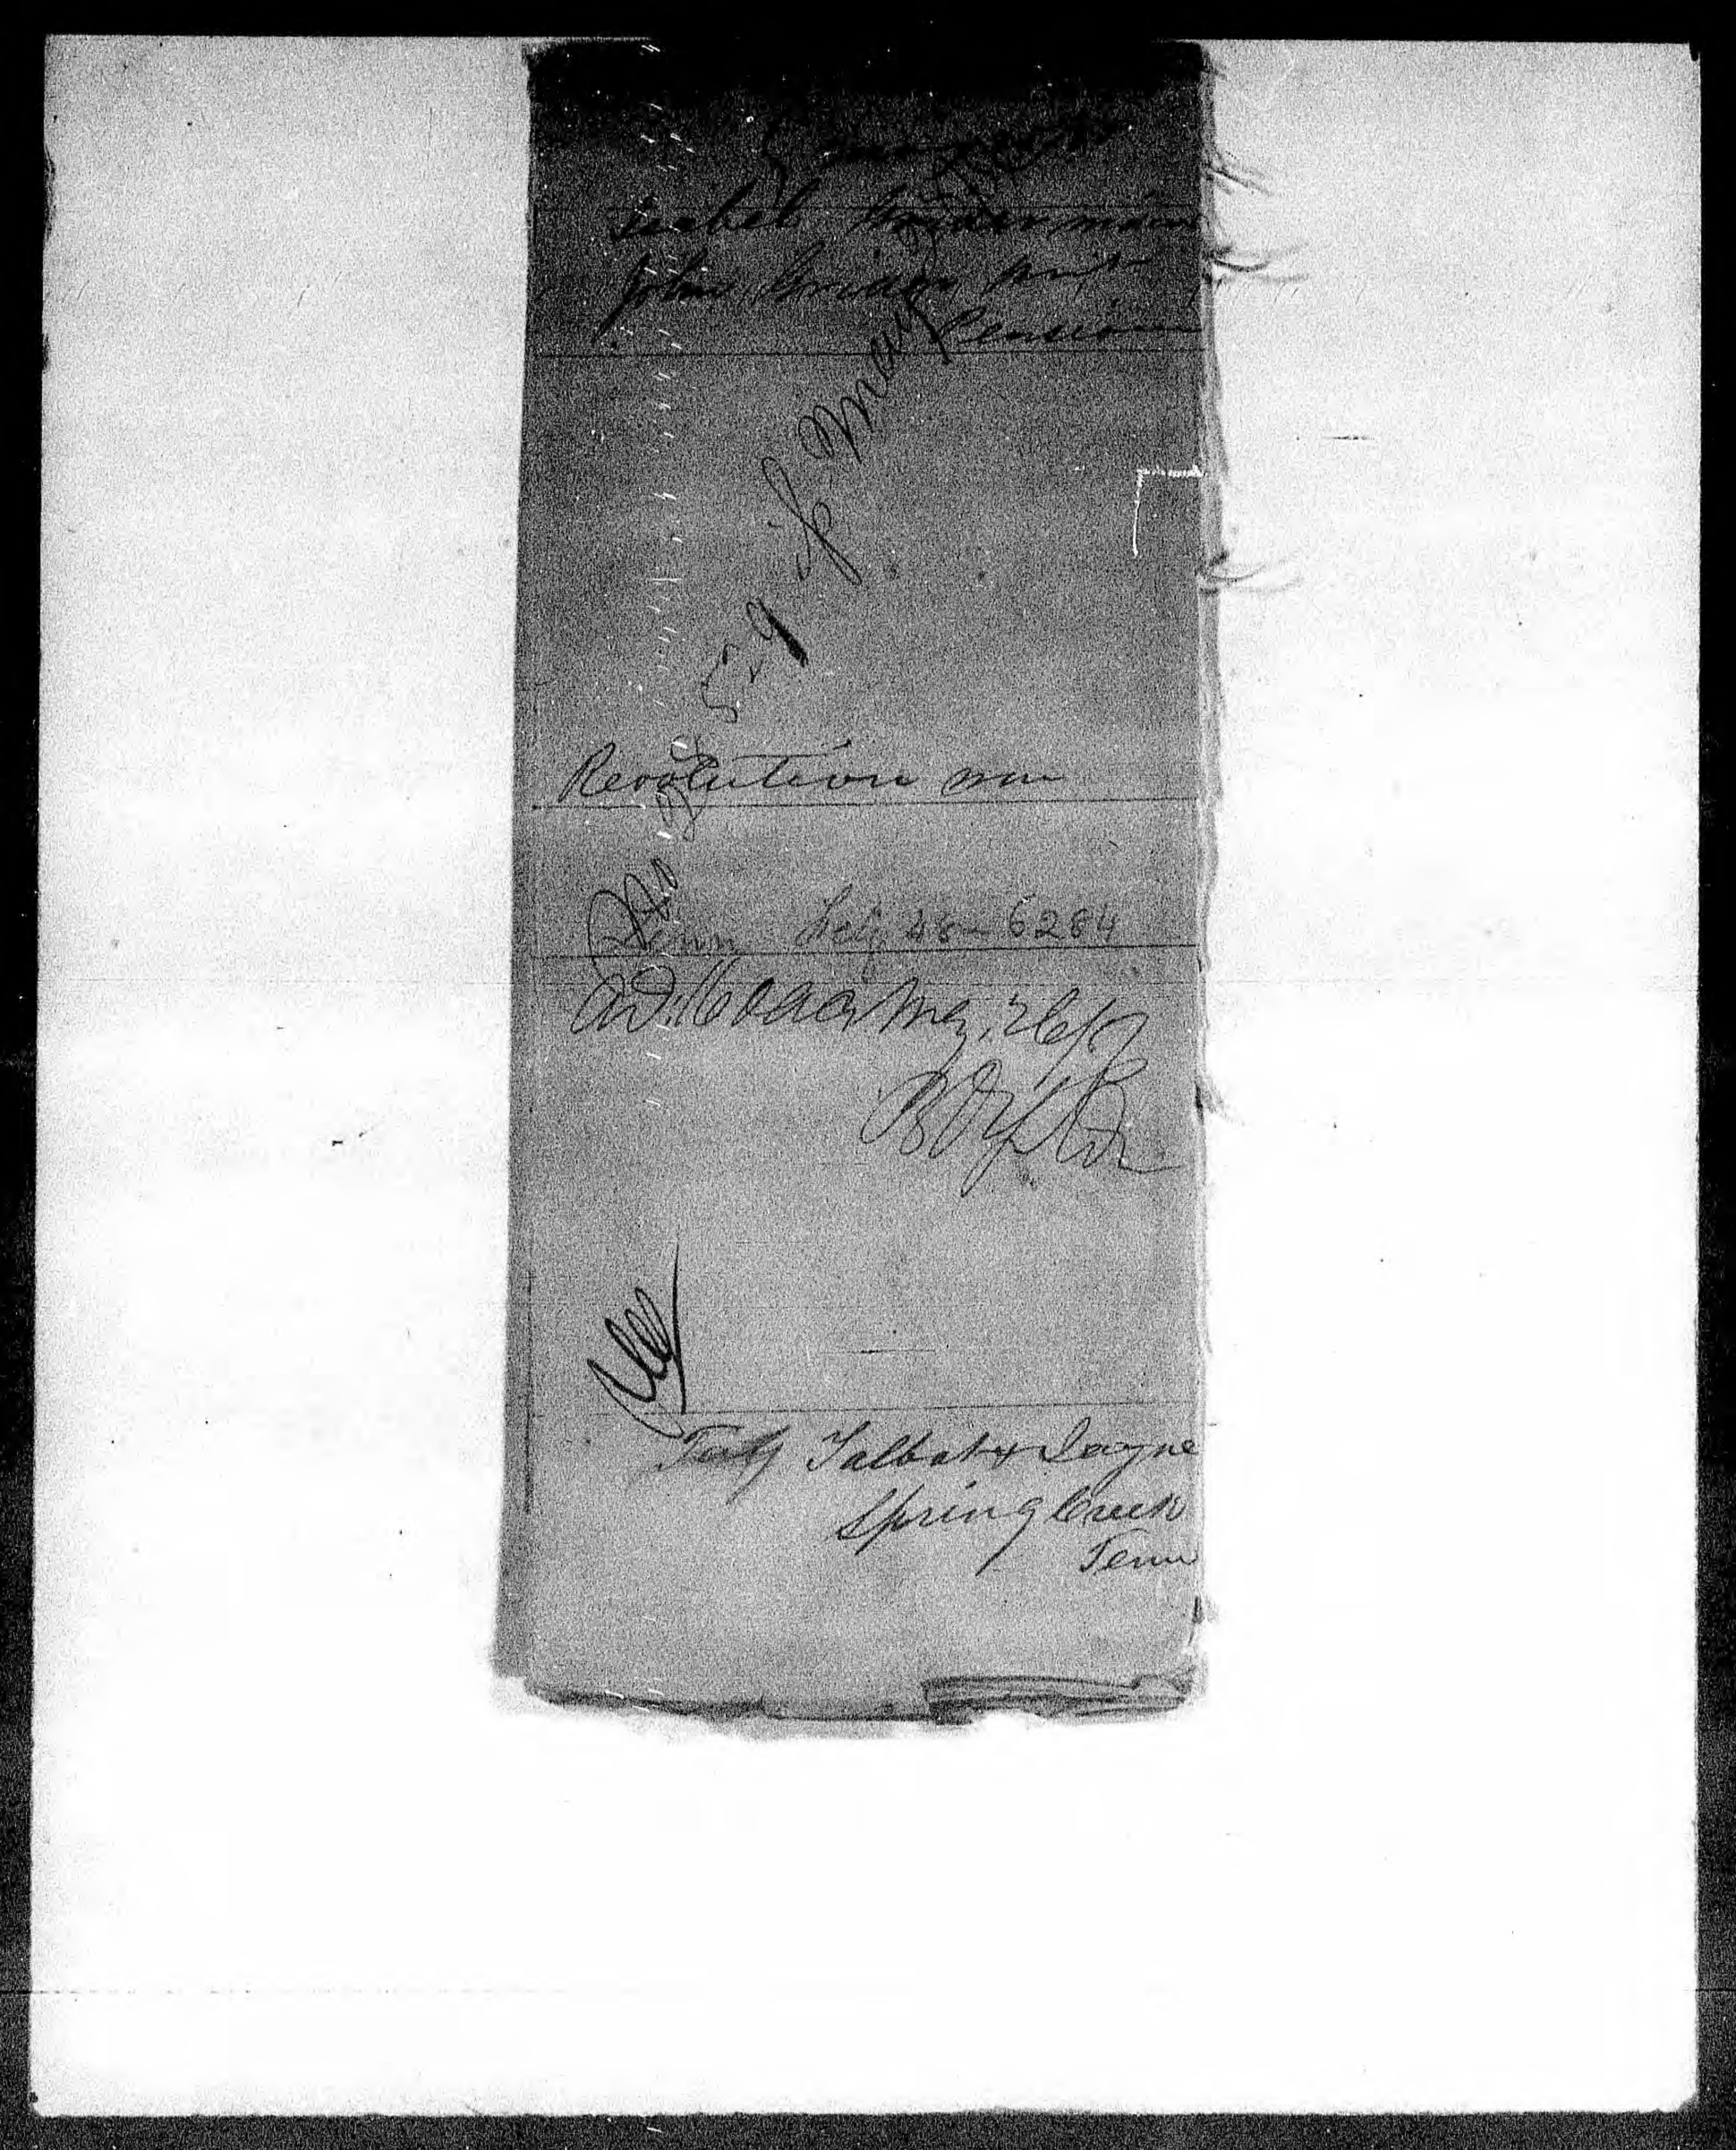Isabel Grider widow
John Grider  PVT
Pension

[illegible script diagonally on page]

Revolution War

Tenn [illegible] 48 6284
A W: 16 [illegible [illegible]
Boynton

[illegible] Talbot and Jayne
Spring Green
Tenn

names: Boynton, Isabel Grider, Jayne, Talbot, John Grider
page: 4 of 91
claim: widow's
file: W 358, John Grider, N.C.